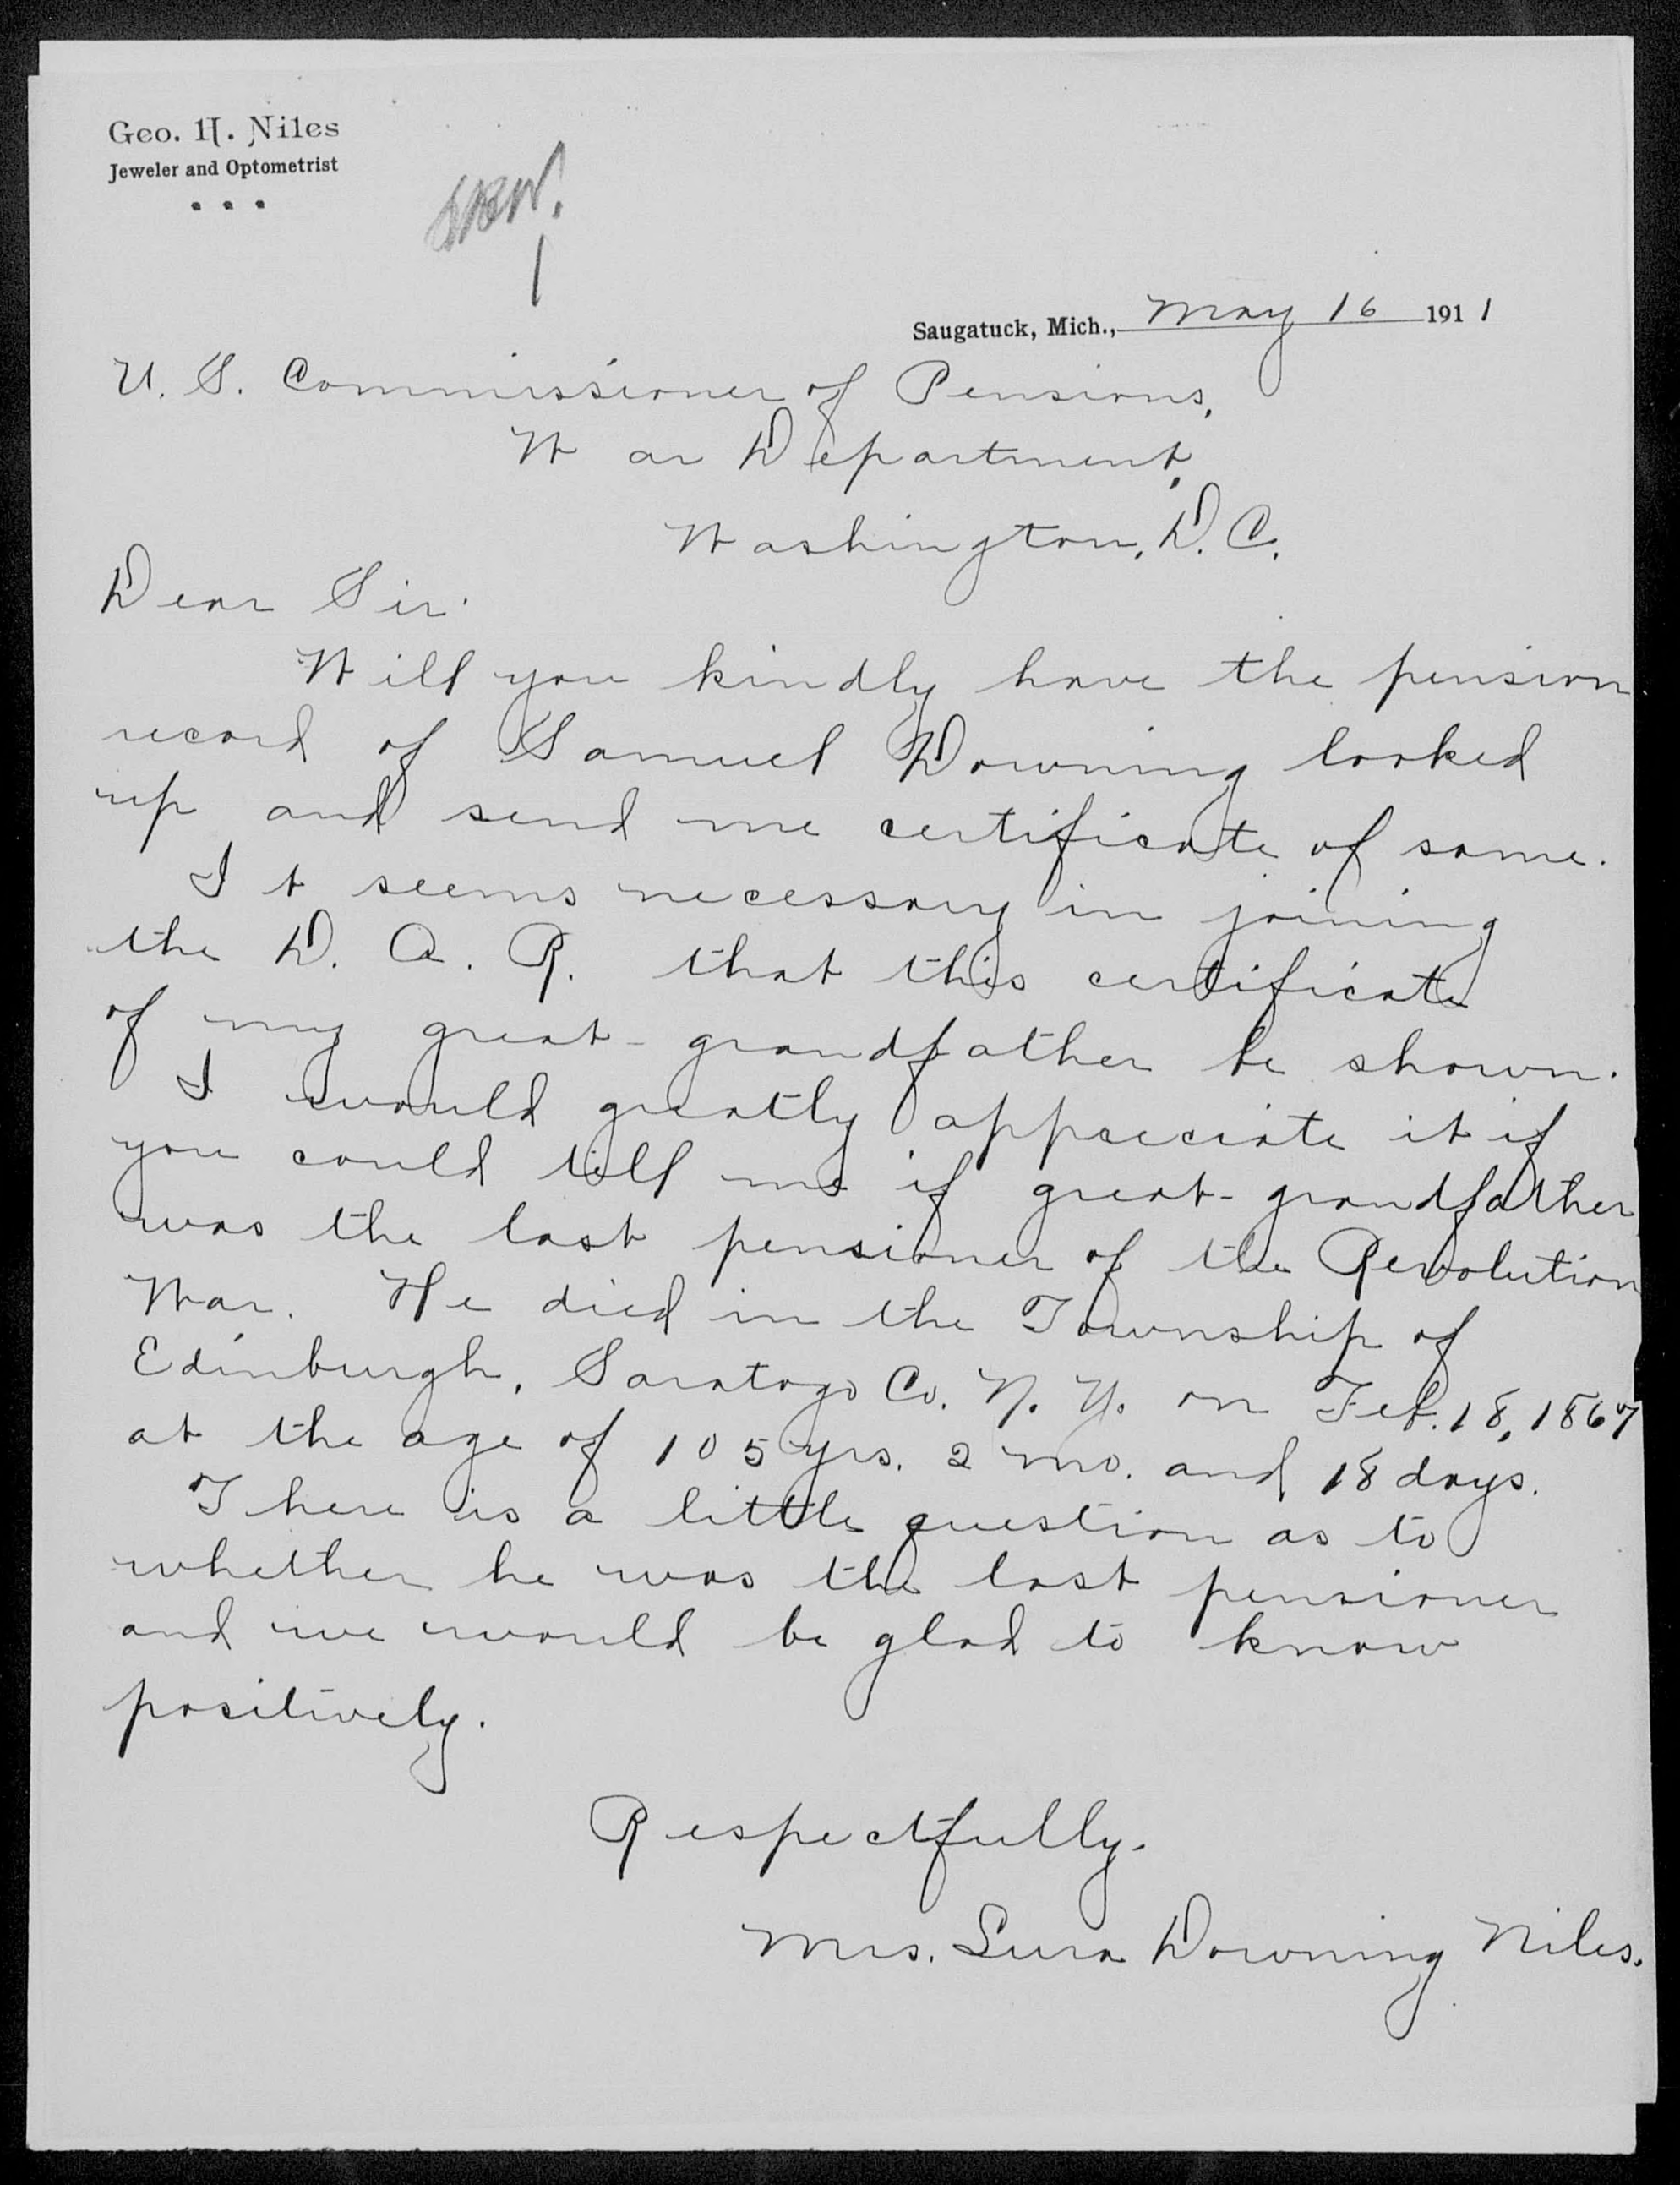Geo H. Niles
Jeweler and Optometrist
Saugatuck, Mich., May 16 1991
U.S. Commissioner of Pensions,
War Department
Washington, D.C.
Dear Sir,
Will you kindly have the pension record of Samuel Downing looked up and send me certificate of same. 
It seems necessary in joining the D.O.R. that this certificate of my great- grandfather be shown . I would greatly appreciate it if you could tell me if great-grandfather was the last pensioner of the Revolution War. He died in the Township of Edinburgh, Saratoga Co. N.Y. on Feb. 18,1867 at the age of 105 yrs. 2 mo. And 18 days. There is a little question as to whether he was the last pensioner and we would be glad to know positively.
Respectfully 
Mrs. Sara Downing Niles.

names: Samuel Downing, Lura Downing Niles, Geo H Niles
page: 38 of 56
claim: survivor's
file: S. 40,055, Samuel Downing, N.H.